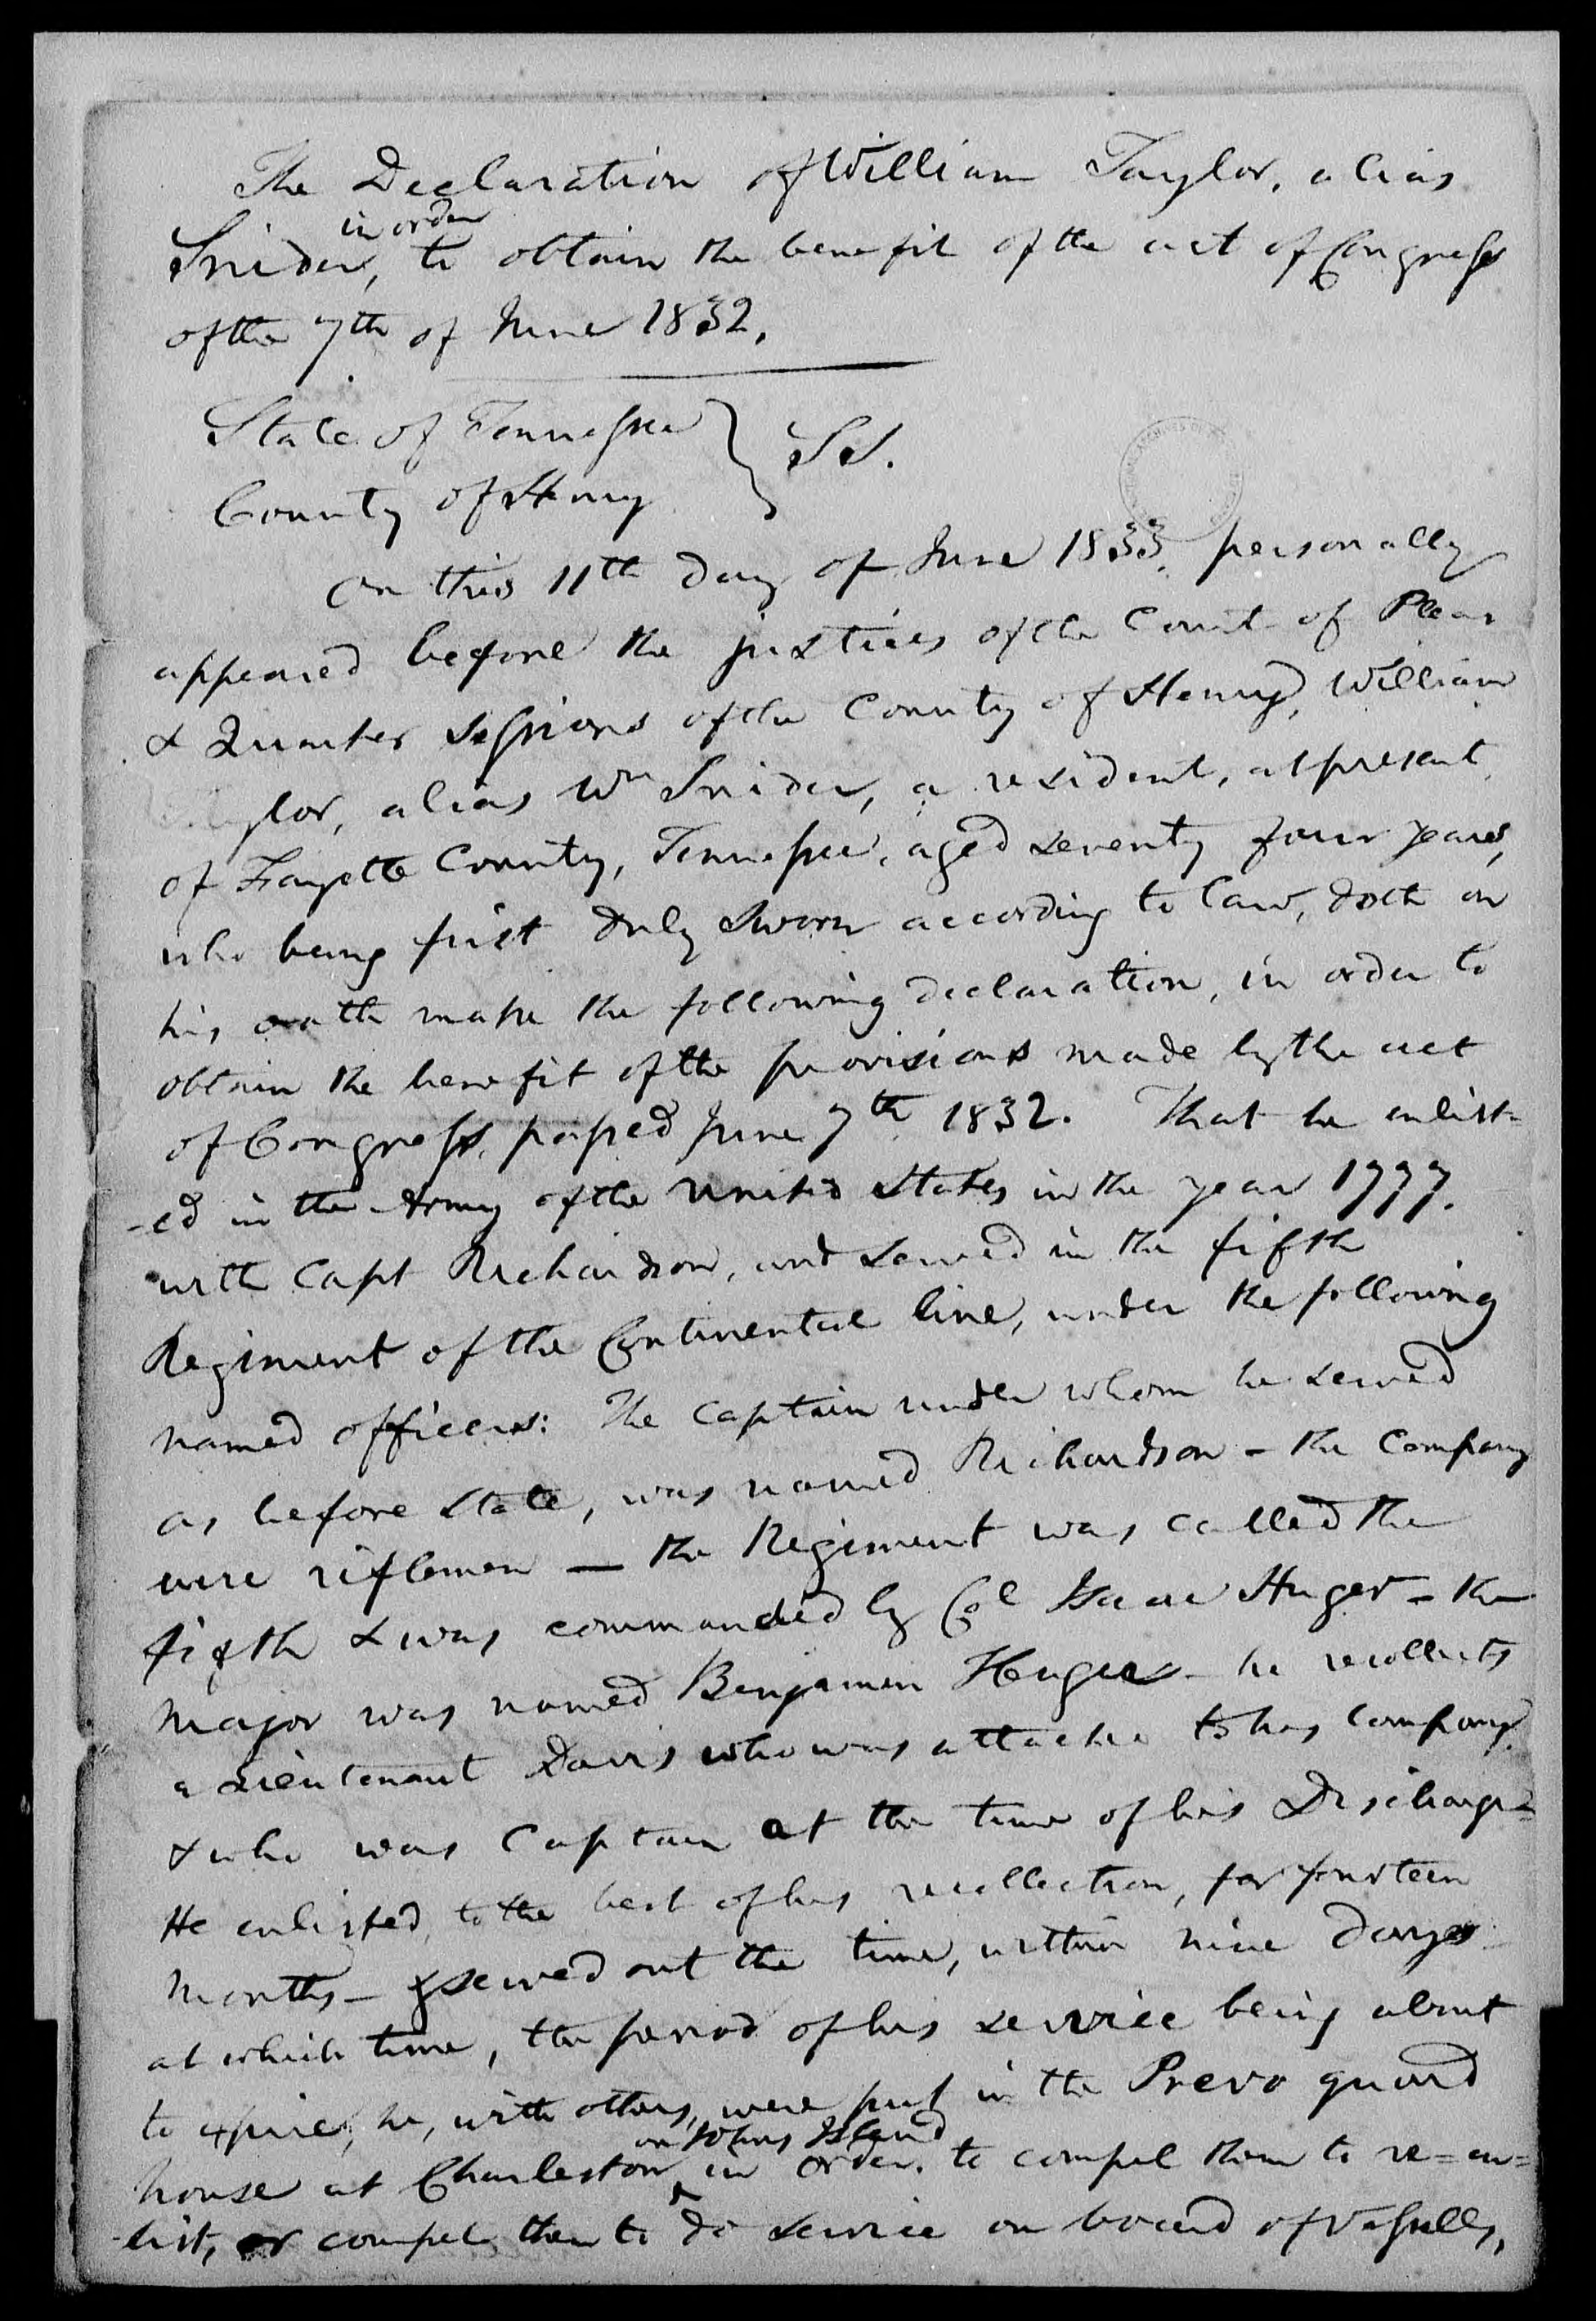The Declaration of William Taylor, alias Snider, in order to obtain the benefit of the act of Congress of the 7th of June 1832.
State of Tennessee
County of Henry SS.
On this 11th day of June 1833 personally appeared before the Justices of the Court of Pleas & Quarter Sessions of the County of Henry, William Taylor, alias Wm Snider, a resident, at present of Fayette County, Tennessee, aged seventy four years who being first duly sworn according to law, doth on his oath make the following declaration, in order to obtain the benefit of the provisions made by the act of Congress passed June 7th 1832. That he enlisted in the Army of the United States in the year 1777 with Capt. Richardson, and served in the fifth Regiment of the Continental line, under the following named officers:  The captain under whom he served as before state, was named Richardson - the company were riflemen - the Regiment was called The Fifth & was commanded by Col Isaac Huger - the Major was named Benjamin Houges - he recollects a Lieutenant Davis who was attached to his company & who was Captain at the time of his Discharge. He enlisted to the best of his recollection, for fourteen months & served out the time, within nine days at which time, the period of his service being about to expire, he, with others were put in the Prevo guard house at Charleston on Johns Island in order to compel them to re-enlist, or compel them to do service on board of vessells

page: 2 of 33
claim: rejected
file: R 10439, for William Taylor, North Carolina